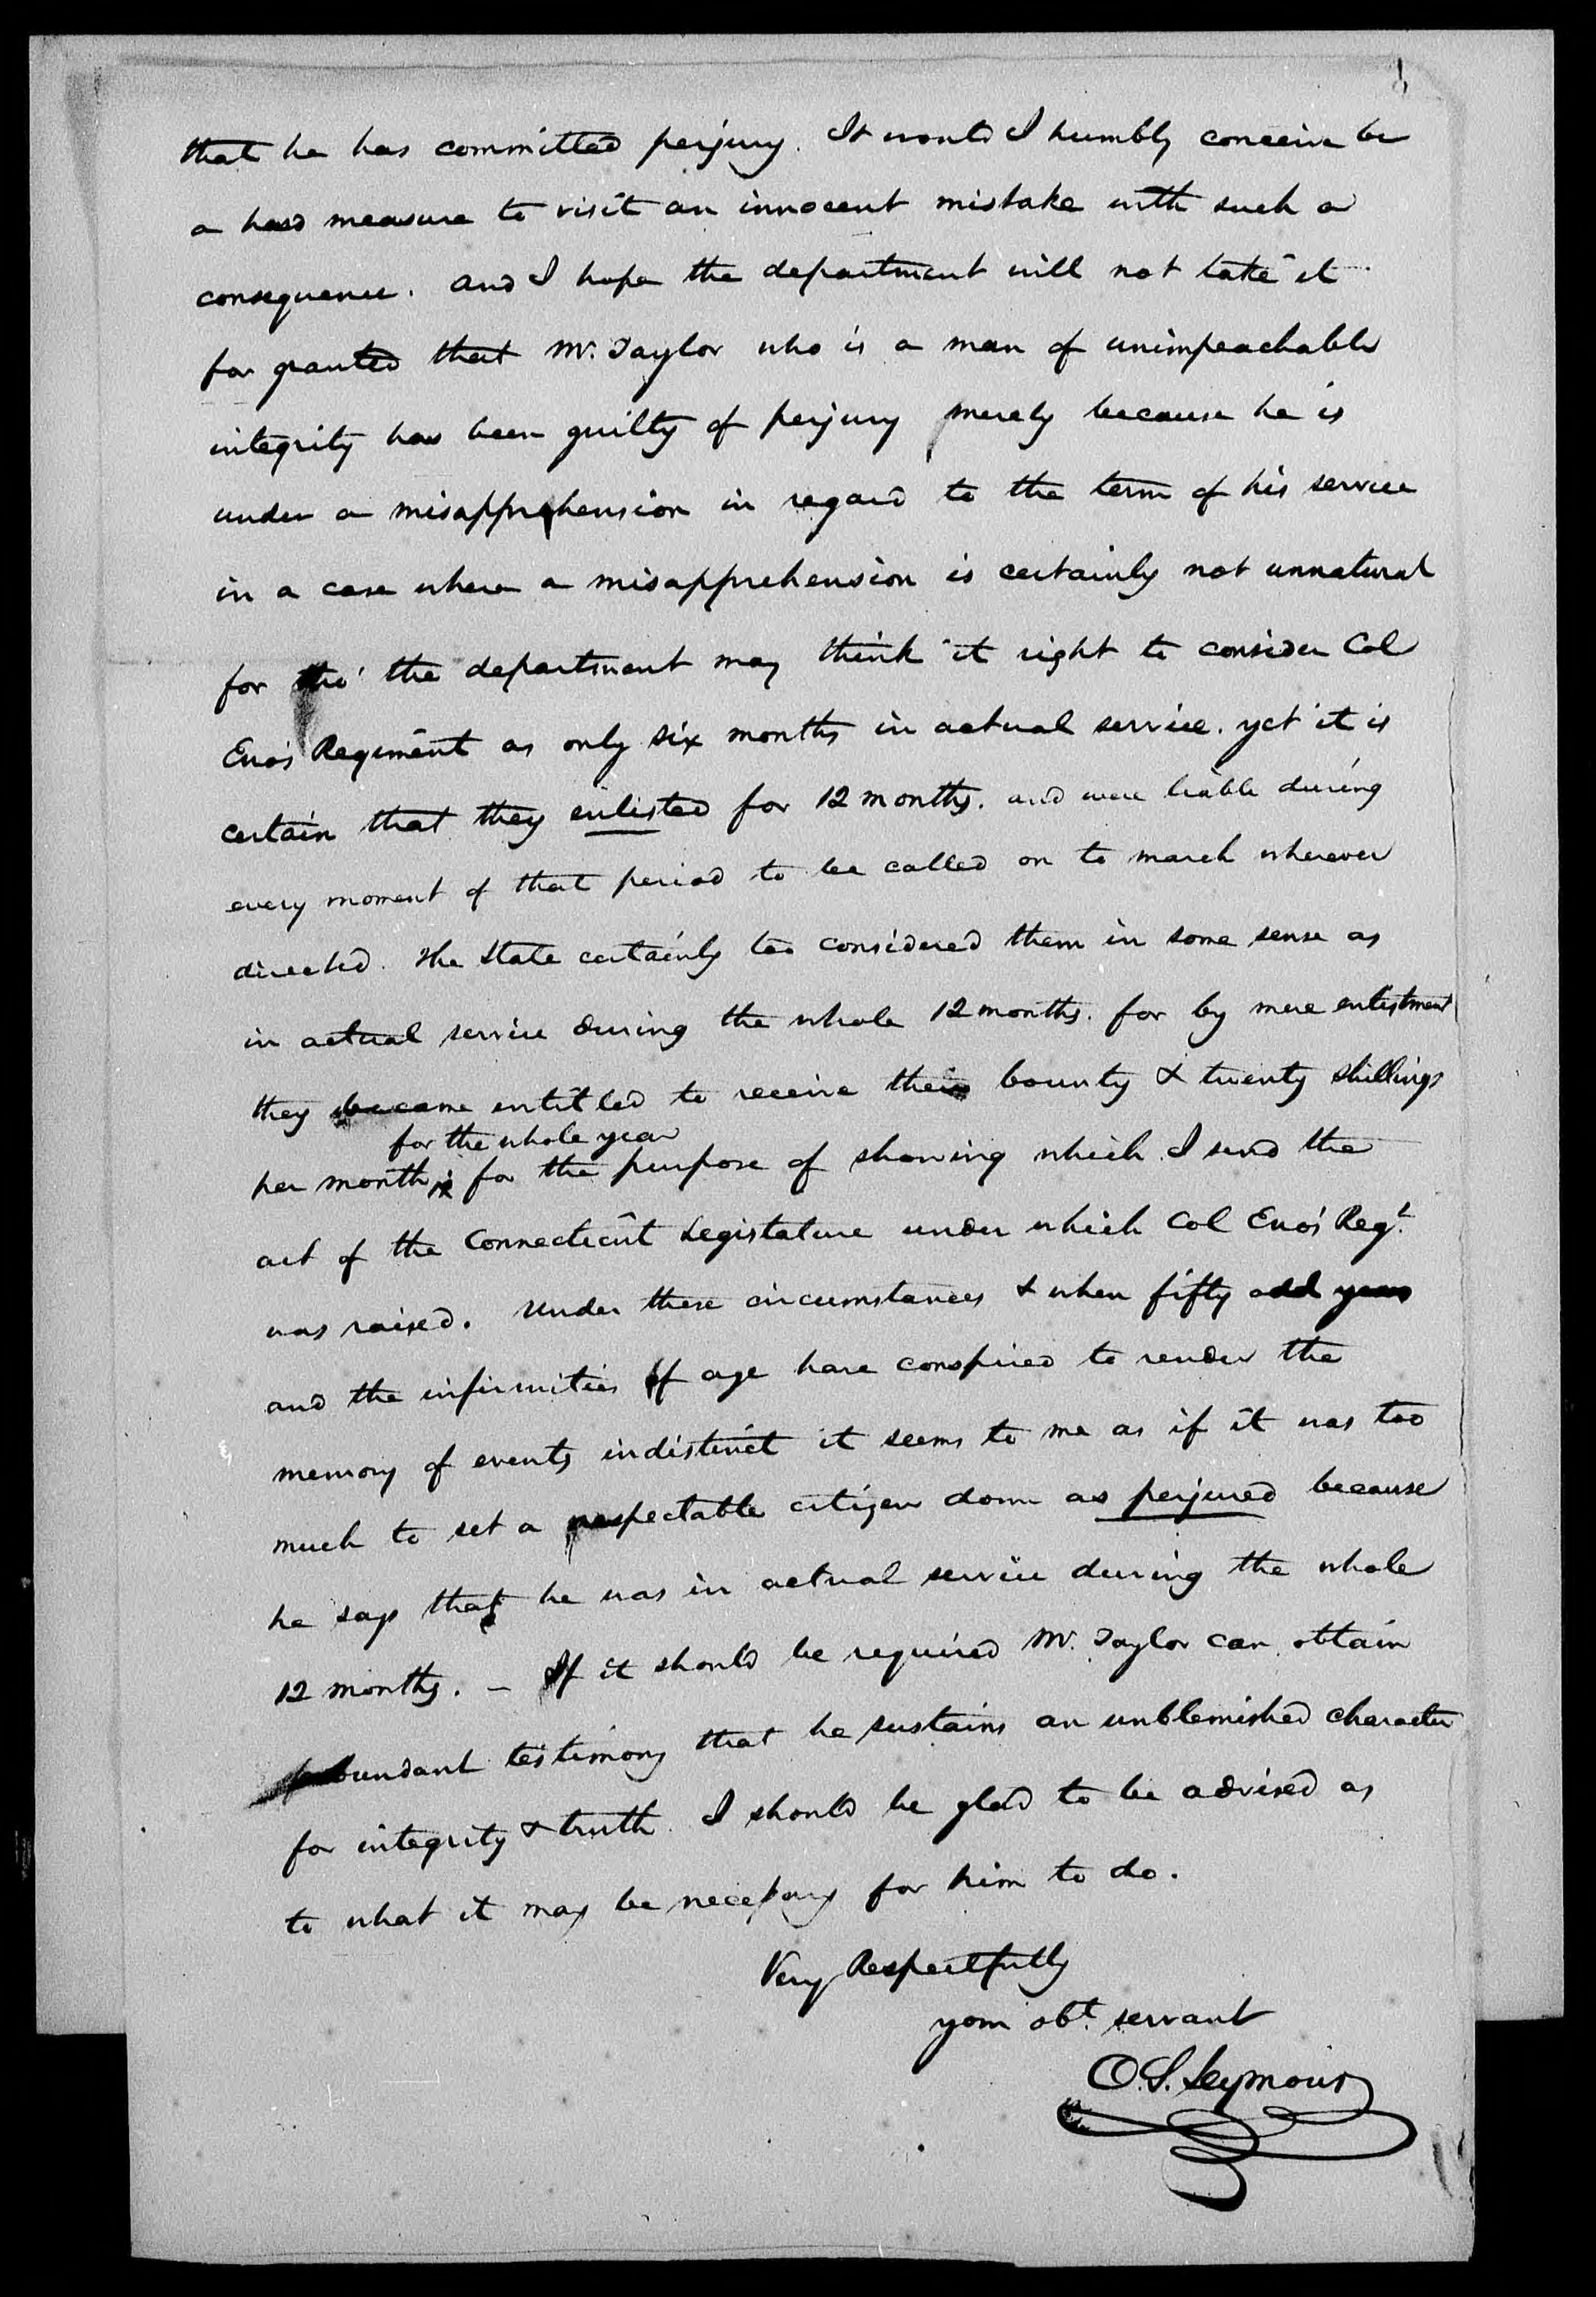that he has committed perjury. It wont I humble conceive be a bad measure to visit an innocent mistake with such a consequence and I hope the department will not take it for granted that Mr. Taylor who is a man of unimpeachable integrity has been guilty of perjury merely because his is under a misapprehension in retard to the term of his service in a case when a misapprehension is certainly not unnatural for the department may think it right to consider Col Eno's Regiment as only six months in actual service, yet it is certain that they enlisted for 12 months, and were liable during every moment of that period to be called on to march wherever directed. The State certainly has considered them in some sense as actual service during the whole 12 months for by mere enlistment they became entitled to receive their County & twenty shillings per month for the whole year for the purpose of showing which I send the act of the Connecticut Legislature under which Col Eno's Regt. was raised. Under these circumstances & when fifty odd years and the infirmities of age have conspired to render the memory of events indistinct it seems to me as if it was too much to set a respectable citizen down as perjured because he says that he was in actual service during the whole 12 months. If it should be required Mr. Taylor can obtain abundant testimony that he sustains an unblemished character for integrity & truth. I should be glad to be advised as to what it may be necessary for him to do.
Very Respectfully
your obt. servant
O. L. Seymour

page: 16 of 16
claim: survivor's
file: S. 17722, for Elisha Taylor, Connecticut